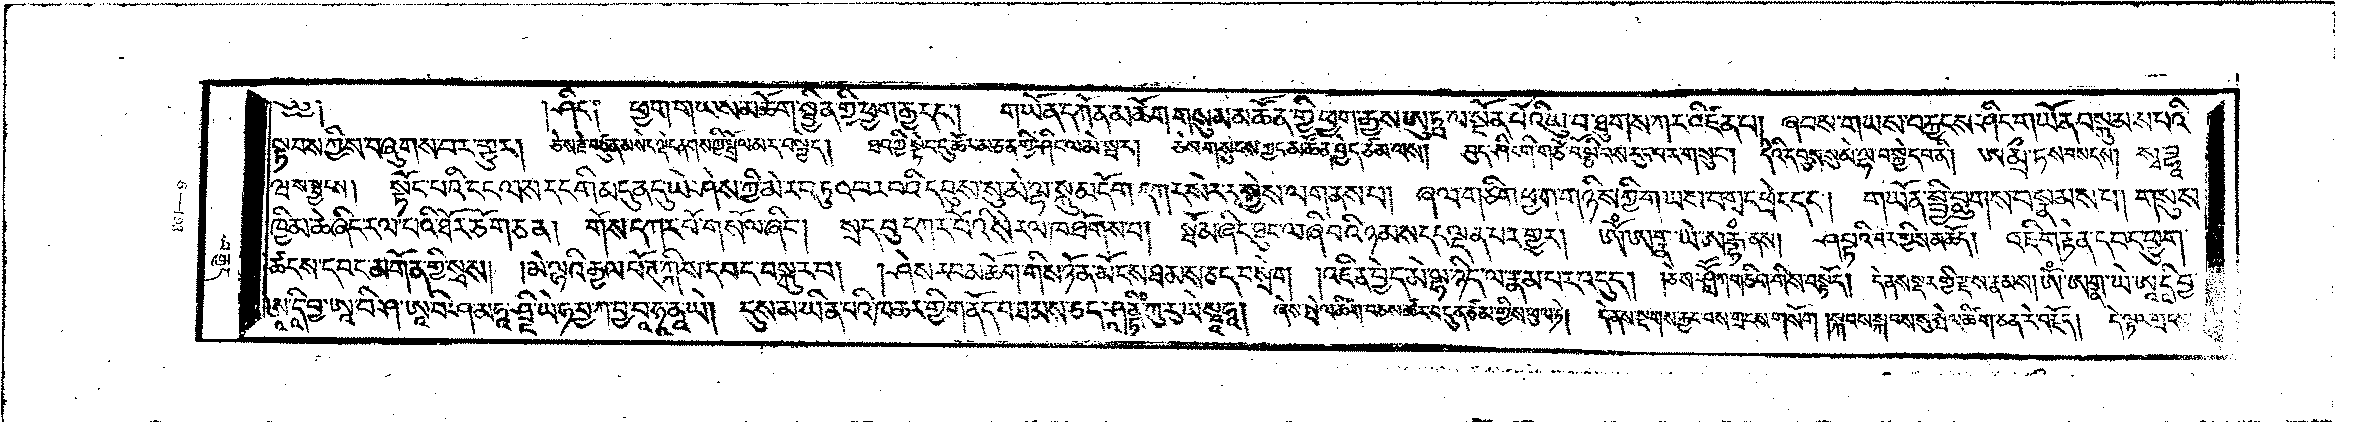༄༅། །ཤིང༑ ཕྱག་གཡས་མཆོག་སྦྱིན་གྱི་ཕྱག་རྒྱ་དང་། གཡོན་དཀོན་མཆོག་གསུམ་མཚོན་གྱི་ཕྱག་རྒྱས་ཨུཏྤལ་ལ་སྔོན་པོའི་ཡུ་བ་ཐུགས་དཀར་འཛིན་པ། ཞབས་གཡས་བརྐྱངས་ཤིང་གཡོན་བསྐུམས་པའི་
སྟབས་ཀྱིས་བཞུགས་པར་གྱུར། ཅེས་རྗེ་བཙུན་མ་སེང་ལྡེང་ནགས་ཀྱི་སྦྲོལ་མར་བསྐྱེད། ཐབ་ཀྱི་སྟེང་དུ་ཚོར་མ་ཅན་གྱི་ཤིང་ལ་མེ་སྤར། ཅེས་གསུངས་ཀྱང་མཚོན་བྱེད་ཙམ་ལས། བུད་ཤིང་གི་གཙོ་བོ་ལྕིབས་རུང་བར་གསུང་། དེའི་དབུས་སུ་མེ་ལྷ་བསྐྱེད་བ་ནི།  ཨམྲྀ་ཏས་བསངས།  སྭབྷཱ་
ཝས་སྦྱངས།  སྟོང་པའི་ངང་ལས་རང་གི་མདུན་དུ་ཡེ་ཤེས་ཀྱི་མེ་རབ་ཏུ་འབར་བའི་དབུས་སུ་མེ་ལྷ་སྐུ་མདོག་དཀར་སེར་རྭ་སྐྱེས་ལ་གནས་པ། ཞལ་གཅིག་ཕྱག་གཉིས་གྱི་གཡས་བགྲང་ཕྲེང་དང་། གཡོན་སྦྱི་བླུགས་བསྣམས་པ། གསུས་
ཁྱིམ་ཆེ་ཞིང་རལ་པའི་ཐོར་ཅོག་ཅན། གོས་དཀར་པོ་གསོལ་ཞིང་། སྲད་བུ་དཀར་པོའི་སེ་རལ་ཁ་ཐོགས་པ། སྦོམ་ཞིང་ཐུང་ལ་ཞི་བའི་ཉམ་དང་ལྡན་པར་གྱུར། ཨོཾ་ཨདྣ་ཡེ་ཨརྒྷཾ་ནས། ཤཔྟའི་བར་གྱིས་མཆོད།  འཇིག་རྟེན་དབང་ཕྱུག་
ཚངས་དབང་མགོན་གྱི་སྲས། །མེ་ལྷའི་རྒྱལ་བོཊ་ཀྐིས་དབང་བསྐུར་བ། །ཤེས་རབ་མཆོག་གིས་ཉོན་མོངས་ཐམས་ཅད་བསྲེག །འཛིན་བྱེད་མེ་ལྷ་ཉིད་ལ་རྣམ་པར་འདུད། །ཅེས་ཤླཽཀ་གཅིག་གིས་བསྟོད། དེ་ནས་སྡར་གྱི་རྫས་རྣམས། ཨོཾ་ཨགན་ཡེ་ཨཱདཱི་བྱ་
ཨཱ་དཱི་བྱ་ཨཱ་བི་ཤ་ཨཱ་བི་ཤ་མཧཱ་ཤྲྡི་ཡེ་ཧ་བྱ་ཀ་བྱ་བཱ་ཧཱ་ནཱ་ཡེ། དུས་མ་ཡིན་པའི་ཁ་ཆར་གྱི་གནོད་པ་ཐམས་ཅད་ཤཱནྟིཾ་ཀུ་རུ་ཡེ་སྭཱཧཱ། ཞེས་སྤེལ་ཚིག་བཅས་ཚར་བདུན་ཙམ་གྱིས་ཕུལ་ཏེ། དེ་ནས་སྔགས་རྐྱང་བས་གྲངས་གསོག །སྐབས་སྐབས་སུ་སྤེལ་ཚིག་ཅན་རེ་བརྗོད། དེ་ལྟར་གྲངས་